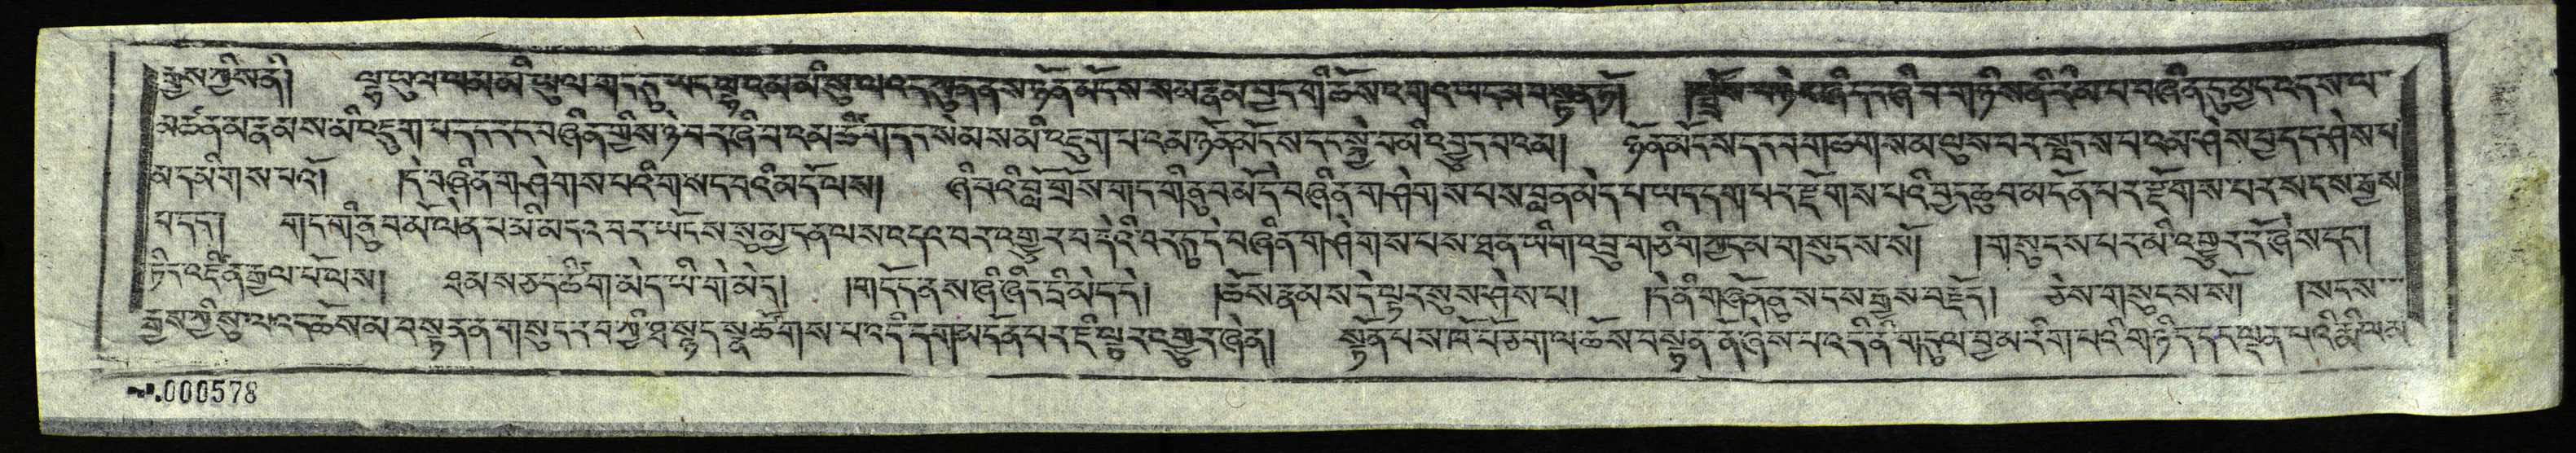རྒྱས་ཀྱིས་ནི། ལྷ་ཡུལ་ལམ་མི་ཡུལ་གང་དུ་ཡང་ལྷ་འམ་མི་སུ་ལའང་ཀུན་ནས་ཉོན་མོངས་སམ་རྣམ་བྱང་གི་ཆོས་འགའ་ཡང་མ་བསྟན་ཏོ། །སྤྲོས་པ་ཉེར་ཞི་དང་ཞི་བ་གཉིས་ནི་རིམ་པ་བཞིན་དུ་མྱང་འདས་ལ་
མཚན་མ་རྣམས་མི་འཇུག་པ་དང་རང་བཞིན་གྱིས་ཉེ་བར་ཞི་བ་འམ་ཚིག་དང་སེམས་མི་འཇུག་པ་འམ་ཉོན་མོངས་དང་སྐྱེ་བ་མི་འབྱུང་བ་འམ། ཉོན་མོངས་དང་བག་ཆགས་མ་ལུས་བར་སྤངས་པ་འམ་ཤེས་བྱ་དང་ཤེས་པ་
མ་དམིགས་པའོ། །དེ་བཞིན་གཤེགས་པའི་གསང་བའི་མདོ་ལས། ཞི་བའི་བློ་གྲོས་གང་གི་ནུབ་མོ་དེ་བཞིན་གཤེགས་པས་བླ་ན་མེད་པ་ཡང་དག་པར་རྫོགས་པའི་བྱང་ཆུབ་མངོན་པར་རྫོགས་པར་སངས་རྒྱས་
པ་དང༑ གང་གི་ནུབ་མོ་ལེན་པ་མི་མངའ་བར་ཡོངས་སུ་མྱ་ངན་ལས་འདའ་བར་འགྱུར་བ་དེའི་བར་དུ་དེ་བཞིན་གཤེགས་པས་ཐ་ན་ཡིག་འབྲུ་གཅིག་ཀྱང་མ་གསུངས་སོ། །གསུངས་པར་མི་འགྱུར་རོ་ཞེས་དང་།
ཏིང་འཛིན་རྒྱལ་པོ་ལས། ཐམས་ཅད་ཚིག་མེད་ཡི་གེ་མེད། །གདོད་ནས་ཞི་ཞིང་དྲི་མེད་དེ། །ཆོས་རྣམས་དེ་ལྟར་སུས་ཤེས་པ། །དེ་ནི་གཞོན་ནུ་སངས་རྒྱས་བརྗོད། ཅེས་གསུངས་སོ། །སངས་
རྒྱས་ཀྱི་སུ་ལའང་ཆོས་མ་བསྟན་ན་གསུང་རབ་ཀྱི་ཐ་སྙད་སྣ་ཚོགས་པ་འདི་དག་མངོན་པར་ཇི་ལྟར་འགྱུར་ཞེ་ན། སྟོན་པས་ཁོ་བོ་ཅག་ལ་ཆོས་བསྟན་ནོ་ཞེས་པ་འདི་ནི་གདུལ་བྱ་མ་རིག་པའི་གཉིད་དང་ལྡན་པའི་རྨི་ལམ་